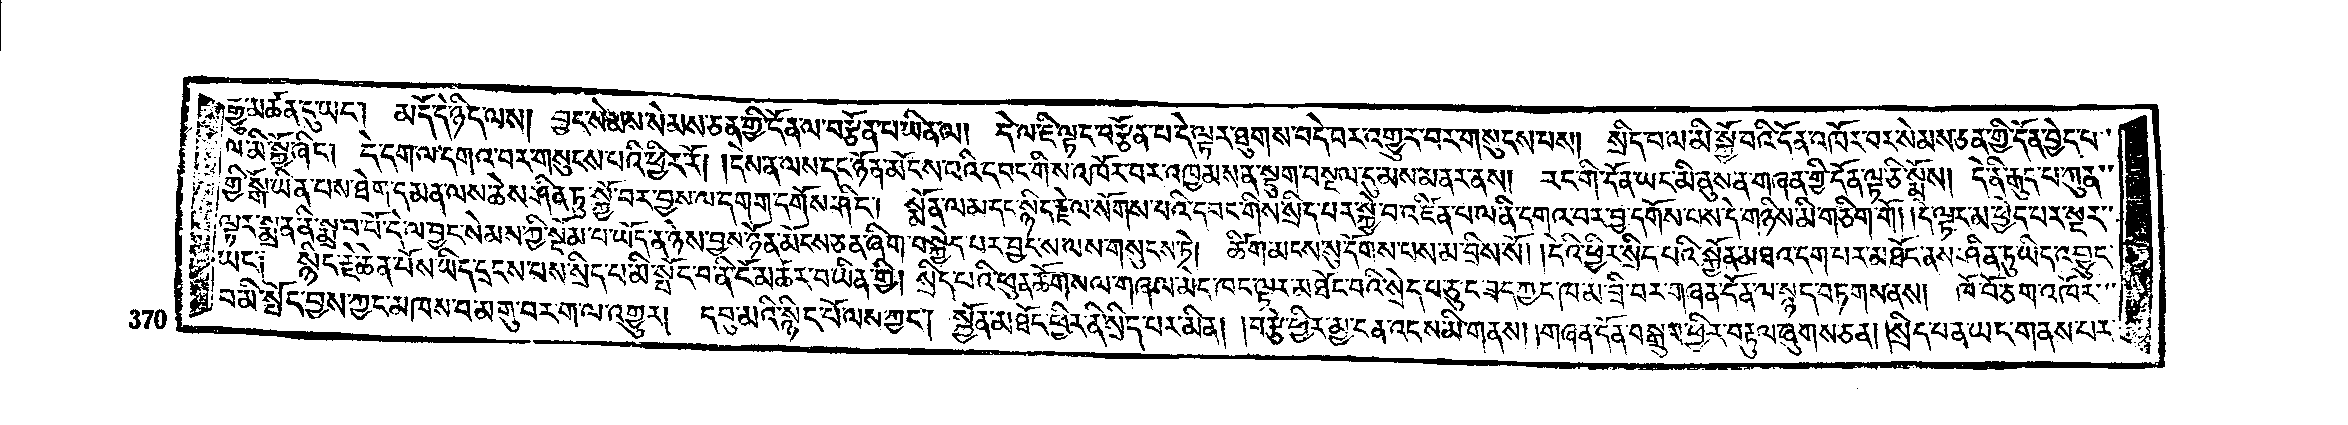རྒྱུ་མཚན་དུ་ཡང་། མདོ་དེ་ཉིད་ལས། བྱང་སེམས་སེམས་ཅན་གྱི་དོན་ལ་བརྩོན་པ་ཡིན་ལ། དེ་ལ་ཇི་ལྟར་བརྩོན་པ་དེ་ལྟར་ཐུགས་བདེ་བར་འགྱུར་བར་གསུངས་པས། སྲིད་པ་ལ་མི་སྐྱོ་བའི་དོན་འཁོར་བར་སེམས་ཅན་གྱི་དོན་བྱེད་པ་
ལ་མི་སྐྱོ་ཞིང་། དེ་དག་ལ་དགའ་བར་གསུངས་པའི་ཕྱིར་རོ། །དེས་ན་ལས་དང་ཉོན་མོངས་པའི་དབང་གིས་འཁོར་བར་འཁྱམས་ན་སྡུག་བསྔལ་དུ་མས་མནར་ནས། རང་གི་དོན་ཡང་མི་ནུས་ན་གཞན་གྱི་དོན་ལྟ་ཅི་སྨོས། དེ་ནི་རྒུད་པ་ཀུན་
གྱི་སྒོ་ཡིན་པས་ཐེག་དམན་ལས་ཆེས་ཤིན་ཏུ་སྐྱོ་བར་བྱས་ལ་དགག་དགོས་ཤིང་། སྨོན་ལམ་དང་སྙིང་རྗེ་ལ་སོགས་པའི་དབང་གིས་སྲིད་པར་སྐྱེ་བ་འཛིན་པ་ལ་ནི་དགའ་བར་བྱ་དགོས་པས་དེ་གཉིས་མི་གཅིག་གོ། །དེ་ལྟར་མ་ཕྱེད་པར་སྔར་
ལྟར་སྨྲ་ན་ནི་སྨྲ་བ་པོ་དེ་ལ་བྱང་སེམས་ཀྱི་སྡོམ་པ་ཡོད་ན་ཉེས་བྱས་ཉོན་མོངས་ཅན་ཞིག་བསྐྱེད་པར་བྱང་ས་ལས་གསུངས་ཏེ། ཚིག་མངས་སུ་དོགས་པས་མ་བྲིས་སོ། །དེའི་ཕྱིར་སྲིད་པའི་སྐྱོན་མཐའ་དག་པར་མཐོང་ནས། ཤིན་ཏུ་ཡིད་འབྱུང་
ཡང༑ སྙིང་རྗེ་ཆེན་པོས་ཡིད་དྲངས་པས་སྲིད་པ་མི་སྤོང་བ་ནི་ངོ་མཚར་བ་ཡིན་གྱི། སྲིད་པའི་ཕུན་ཚོགས་ལ་གཞལ་མེད་ཁང་ལྟར་མཐོང་བའི་སྲེད་པ་ཅུང་ཟད་ཀྱང་ཁ་མ་བྲི་བར་གཞན་དོན་ལ་སྙད་བཏགས་ནས། ཁོ་བོ་ཅག་འཁོར་
བ་མི་སྤོང་བྱས་ཀྱང་མཁས་པ་མགུ་བར་ག་ལ་འགྱུར། དབུ་མའི་སྙིང་པོ་ལས་ཀྱང་། སྐྱོན་མཐོང་ཕྱིར་ནི་སྲིད་པར་མིན། །བརྩེ་ཕྱིར་མྱ་ངན་འདས་མི་གནས། །གཞན་དོན་བསྒྲུབ་ཕྱིར་བརྟུལ་ཞུགས་ཅན། །སྲིད་པ་ན་ཡང་གནས་པར་